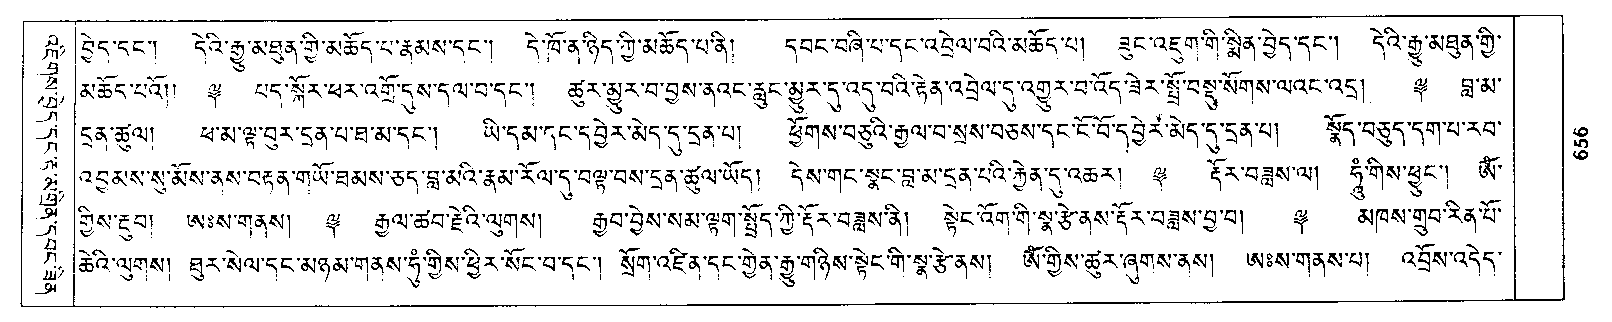བྱེད་དང་། དེའི་རྒྱུ་མཐུན་གྱི་མཆོད་པ་རྣམས་དང་། དེ་ཁོ་ན་ཉིད་ཀྱི་མཆོད་པ་ནི། དབང་བཞི་པ་དང་འབྲེལ་བའི་མཆོད་པ། ཟུང་འཇུག་གི་སྨིན་བྱེད་དང་། དེའི་རྒྱུ་མཐུན་གྱི་
མཆོད་པའོ།། ༈ པད་སྐོར་ཕར་འགྲོ་དུས་དལ་བ་དང་། ཚུར་མྱུར་བ་བྱས་ནའང་རླུང་མྱུར་དུ་འདུ་བའི་རྟེན་འབྲེལ་དུ་འགྱུར་བ་འོད་ཟེར་སྤྲོ་བསྡུ་སོགས་ལའང་འདྲ། ༈ བླ་མ་
དྲན་ཚུལ། ཕ་མ་ལྟ་བུར་དྲན་པ་ཐ་མ་དང་། ཡི་དམ་དང་དབྱེར་མེད་དུ་དྲན་པ། ཕྱོགས་བཅུའི་རྒྱལ་བ་སྲས་བཅས་དང་ངོ་བོ་དབྱེར་མེད་དུ་དྲན་པ། སྣོད་བཅུད་དག་པ་རབ་
འབྱམས་སུ་མོས་ནས་བརྟན་གཡོ་ཐམས་ཅད་བླ་མའི་རྣམ་རོལ་དུ་བལྟ་བས་དྲན་ཚུལ་ཡོད། དེས་གང་སྣང་བླ་མ་དྲན་པའི་རྐྱེན་དུ་འཆར། ༈ རྡོར་བཟླས་ལ། ཧཱུཾ་གིས་ཕྱུང་། ཨོཾ་
གྱིས་རྔུབ། ཨཿ ས་གནས། ༈ རྒྱལ་ཚབ་རྗེའི་ལུགས། རྒྱབ་བྱེས་སམ་ལྟག་སྤྲོད་ཀྱི་རྡོར་བཟླས་ནི། སྟེང་འོག་གི་སྣ་རྩེ་ནས་རྡོར་བཟླས་བྱ་བ། ༈ མཁས་གྲུབ་རིན་པོ་
ཆེའི་ལུགས། ཐུར་སེལ་དང་མཉམ་གནས་ཧཱུཾ་གྱིས་ཕྱིར་སོང་བ་དང་། སྲོག་འཛིན་དང་གྱེན་རྒྱུ་གཉིས་སྟེང་དི་སྣ་རྩེ་ནས། ཨོཾ་གྱིས་ཚུར་ཞུགས་ནས། ཨཿ ས་གནས་པ། འབྲོས་འདེད་